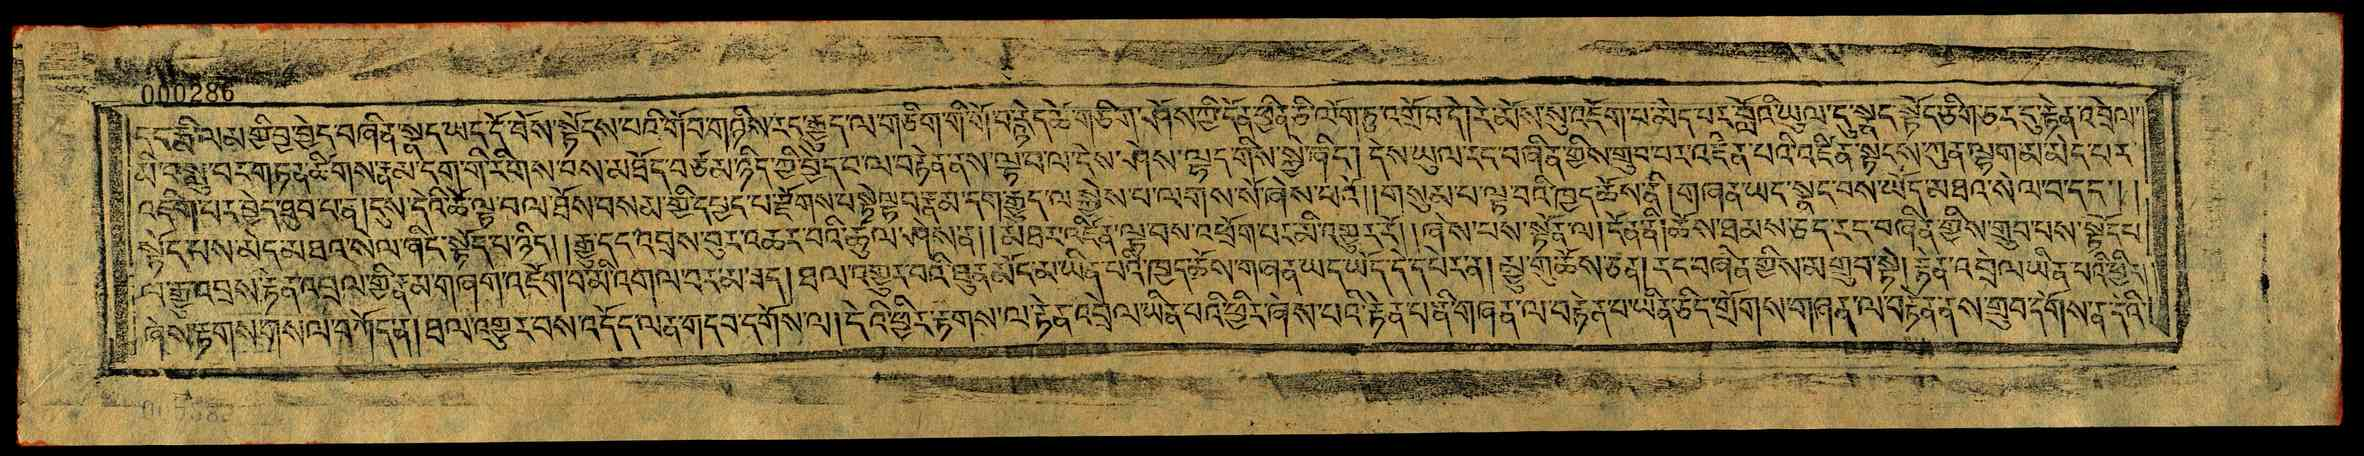དང་རྨི་ལམ་གྱི་བྱ་བྱེད་བཞིན་སྣང་ཡང་ངོ་བོས་སྟོངས་པའི་གོབ་གཉིས་རང་རྒྱུད་ལ་གཅིག་གི་གོ་བ་རྙེད་ཚེ་གཅིག་ཤོས་ཀྱི་དོན་ཕྱིན་ཅི་ལོག་ཏུ་འགྲོ་བ་དེ། རེ་མོས་སུ་འཇོག་པ་མེད་པར་བློའི་ཡུལ་དུ་སྣང་སྟོང་ཅིག་ཅར་བུ་རྟེན་འབྲེལ་
མི་བསླུ་བར་གཏན་ཚིགས་རྣམ་དག་གི་རིགས་པས་མཐོང་བ་ཙམ་ཉིད་ཀྱི་བྱེད་པ་ལ་བརྟེན་ནས་ལྟ་བ་ལ་ངེས་ཤེས་ལྷང་གིས་སྐྱེ་ཞིང་། དེས་ཡུལ་རང་བཞིན་གྱིས་གྲུབ་པར་འཛིན་པའི་འཛིན་སྟངས་ཀུན་ལྷག་མ་མེད་པར་
འཇིག་པར་བྱེད་ཐུབ་པ་ན། དུས་དེའི་ཚེ་ལྟ་བ་ལ་ཐོས་བསམ་གྱི་དཔྱད་པ་རྫོགས་པ་སྟེ་ལྟ་བ་རྣམ་དག་རྒྱུད་ལ་སྐྱེས་པ་ལགས་སོ་ཞེས་པའོ། །གསུམ་པ་ལྟ་བའི་ཁྱད་ཆོས་ནི། གཞན་ཡང་སྣང་བས་ཡོད་མཐའ་སེལ་བ་དང་། །
སྟོང་པས་མེད་མཐའ་སེལ་ཞིང་སྟོང་པ་ཉིད། །རྒྱུ་དང་འབྲས་བུར་འཆར་བའི་ཚུལ་ཤེས་ན། །མཐར་འཛིན་ལྟ་བས་འཕྲོག་པར་མི་འགྱུར་རོ། །ཞེས་པས་སྟོན་ལ། དོན་ནི། ཆོས་ཐམས་ཅད་རང་བཞིན་གྱིས་གྲུབ་པས་སྟོང་པ་
ལ་རྒྱུ་འབྲས་རྟེན་འབྲེལ་གྱི་རྣམ་གཞག་འཇོག་པ་མི་འགལ་བར་མ་ཟད། ཐལ་འགྱུར་བའི་ཐུན་མོང་མ་ཡིན་པའི་ཁྱད་ཆོས་གཞན་ཡང་ཡོད་དེ་དཔེར་ན། མྱུ་གུ་ཆོས་ཅན། རང་བཞིན་གྱིས་མ་གྲུབ་སྟེ། རྟེན་འབྲེལ་ཡིན་པའི་ཕྱིར། །
ཞེས་རྟགས་གསལ་བཀོད་ན། ཐལ་འགྱུར་བས་འདོད་ལན་གདབ་དགོས་ལ། དེའི་ཕྱིར་རྟགས་ལ་རྟེན་འབྲེལ་ཡིན་པའི་ཕྱིར་ཞེས་པའི་རྟེན་པ་ནི་གཞན་ལ་བརྟེན་པ་ཡིན་ཅིང་གྲོགས་གཞན་ལ་བརྟེན་ནས་གྲུབ་དགོས་ན་དེའི་